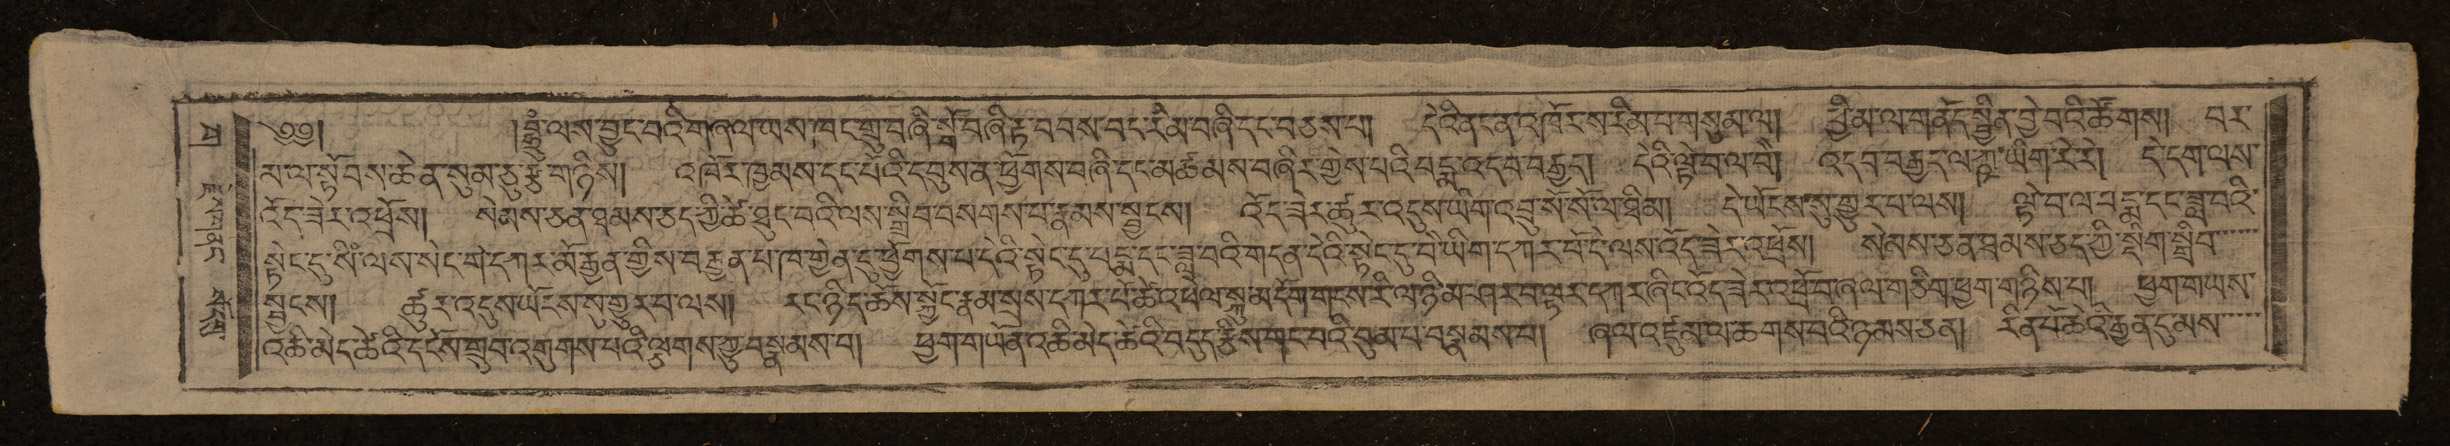༄༅། །བྷྲུཾ་ལས་བྱུང་བའི་གཞལ་ཡས་ཁང་གྲུ་བཞི་སྒོ་བཞི་རྟ་བབས་བང་རིམ་བཞི་དང་བཅས་པ། དེའི་ནང་ན་འཁོར་ས་རིམ་པ་གསུམ་ལ། ཕྱི་མ་ལ་གནོད་སྦྱིན་བྱེ་བའི་ཚོགས། བར་
མ་ལ་སྟོབས་ཆེན་སུམ་ཅུ་རྩ་གཉིས། འཁོར་ཁྱམས་དང་པོའི་དབུས་ན་ཕྱོགས་བཞི་དང་མཚམས་བཞིར་གྱིས་པའི་པདམ་འདབ་བརྒྱད། དེའི་ལྟེ་བ་ལ་བཻ། འདབ་བརྒྱད་ལ་ཀྵ་ཡིག་རེ་རེ། དེ་དག་ལས་
འོད་ཟེར་འཕྲོས། སེམས་ཅན་ཐམས་ཅད་ཀྱི་ཚེ་ཐུང་བའི་ལས་སྒྲིབ་བསགས་པ་རྣམས་སྦྱངས། འོད་ཟེར་ཚུར་འདུས་ཡིག་འབྲུ་སོ་སོ་ལ་ཐིམ། དེ་ཡོངས་སུ་གྱུར་པ་ལས། ལྟེ་བ་ལ་པདམ་དང་ཟླ་བའི་
སྟེང་དུ་སིཾ་ལས་སེང་གེ་དཀར་མོ་རྒྱན་གྱིས་བརྒྱན་པ་ཁ་གྱེན་དུ་ཕྱོགས་པ་དེའི་སྟེང་དུ་པདམ་དང་ཟླ་བའི་གདན་དེའི་སྟེང་དུ་བཻ་ཡིག་དཀར་པོ་དེ་ལས་འོད་ཟེར་འཕྲོས། སེམས་ཅན་ཐམས་ཅད་ཀྱི་སྡིག་སྒྲིབ་
སྦྱངས། ཚུར་འདུས་ཡོངས་སུ་གྱུར་པ་ལས། རང་ཉིད་ཆོས་སྐྱོང་རྣམ་སྲས་དཀར་པོ་ཚེ་འཕེལ་སྐུ་མདོག་གངས་རི་ལ་ཉི་མ་ཤར་བ་ལྟར་དཀར་ཞིང་འོད་ཟེར་འཕྲོ་བ་ཞལ་གཅིག་ཕྱག་གཉིས་པ། ཕྱག་གཡས་
འཆི་མེད་ཚེའི་དངོས་གྲུབ་འགུགས་པའི་ལྕགས་ཀྱུ་བསྣམས་པ། ཕྱག་གཡོན་འཆི་མེད་ཚེའི་བདུད་རྩིས་གང་བའི་བུམ་པ་བསྣམས་པ། ཞལ་འཛུམ་ལ་ཆགས་པའི་ཉམས་ཅན། རིན་པོ་ཆེའི་རྒྱན་དུ་མས་